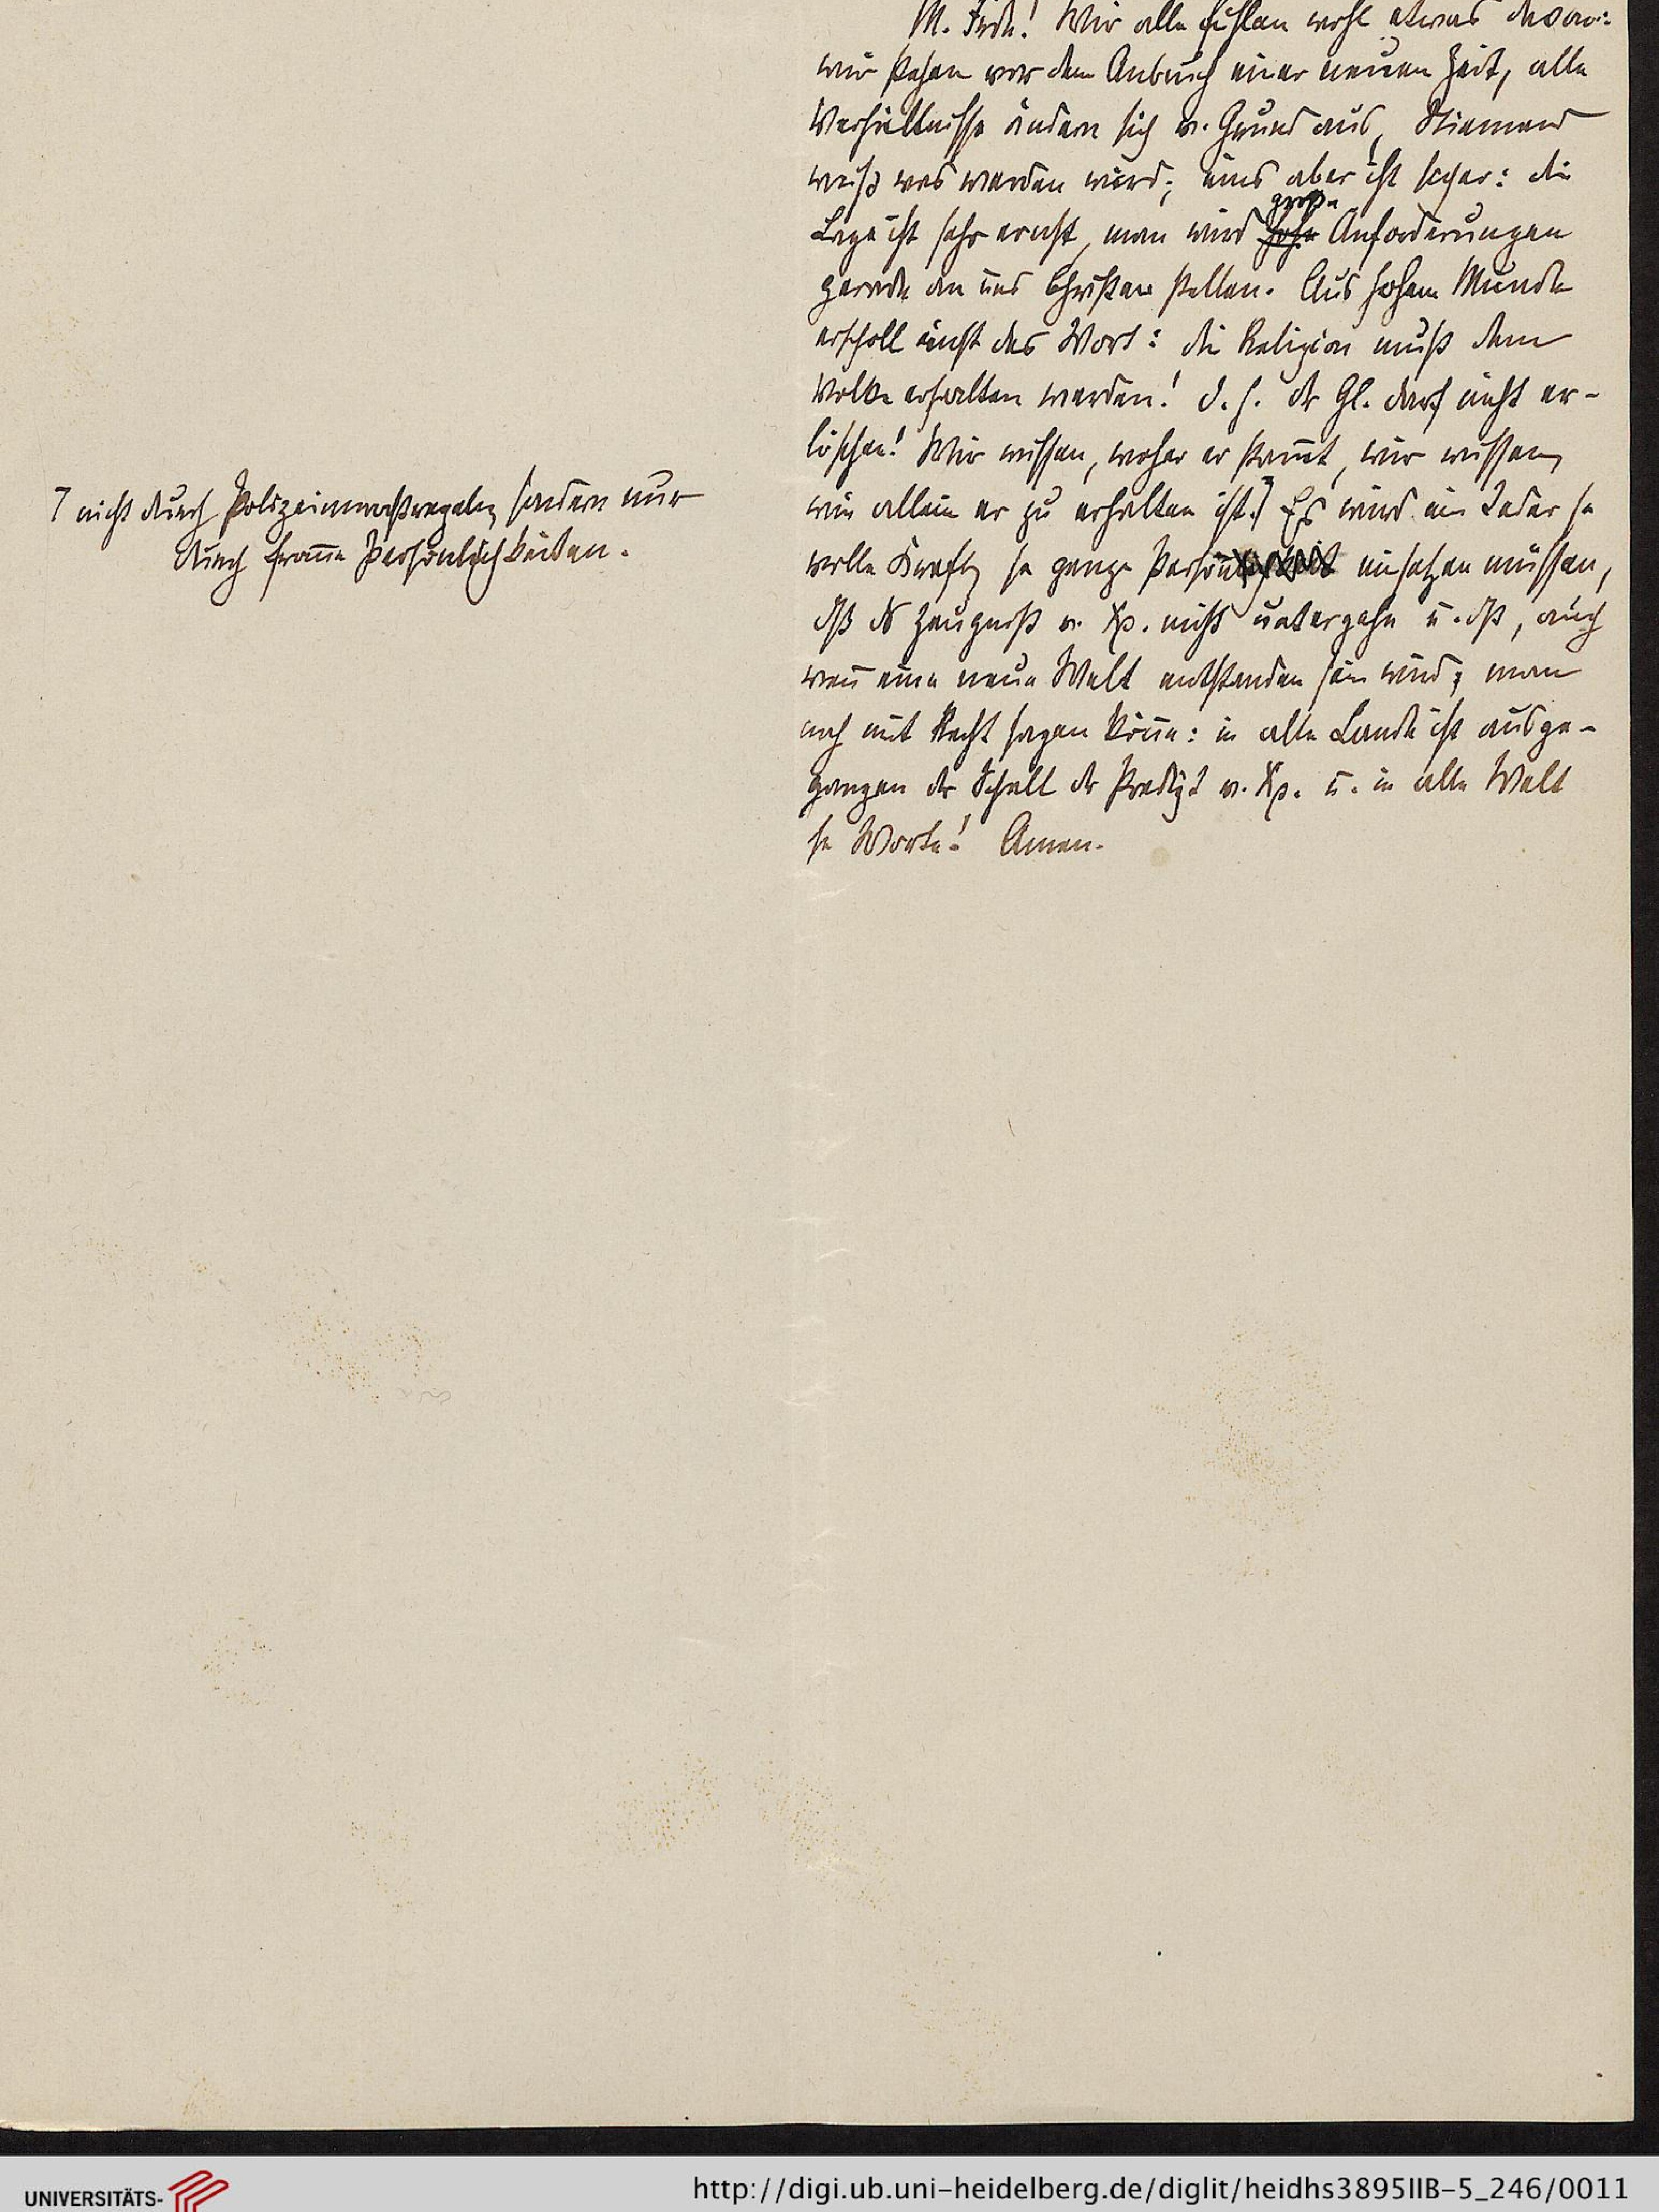nicht durch Polizeimaßregeln, sondern nur
durch frome Persönlichkeiten.
M. Frde! Wir alle fühlen wohl etwas davon:
wir stehen vor dem Anbruch einer neuen Zeit, alle
Verhältnisse ändern sich v. Grund aus, Niemand
weiß was werden wird; eins aber ist sicher: die
große
Lage ist sehr ernst, man wird hohe Anforderungen
gerade an und Christen stellen. Aus hohem Munde
erscholl einst das Wort: die Religion muß dem
Volke erhalten werden! d. h. der Gl. darf nicht er¬
löschen. Wir wissen, woher er stammt, wir wissen,
wie allein er zu erhalten ist. ] Es wird ein Jeder sn
volle Kraft; sn ganze Persönlichkeit einsetzen müssen,
daß das Zeugniß v. Χρ. nicht untergehe u. dß, auch
wen eine neue Welt entstanden sein wird; man
noch mit Recht sagen könne: in alle Lande ist ausge¬
gangen der Schall der Predigt die. v. Χρ. u. in alle Welt
sn Worte! Amen.